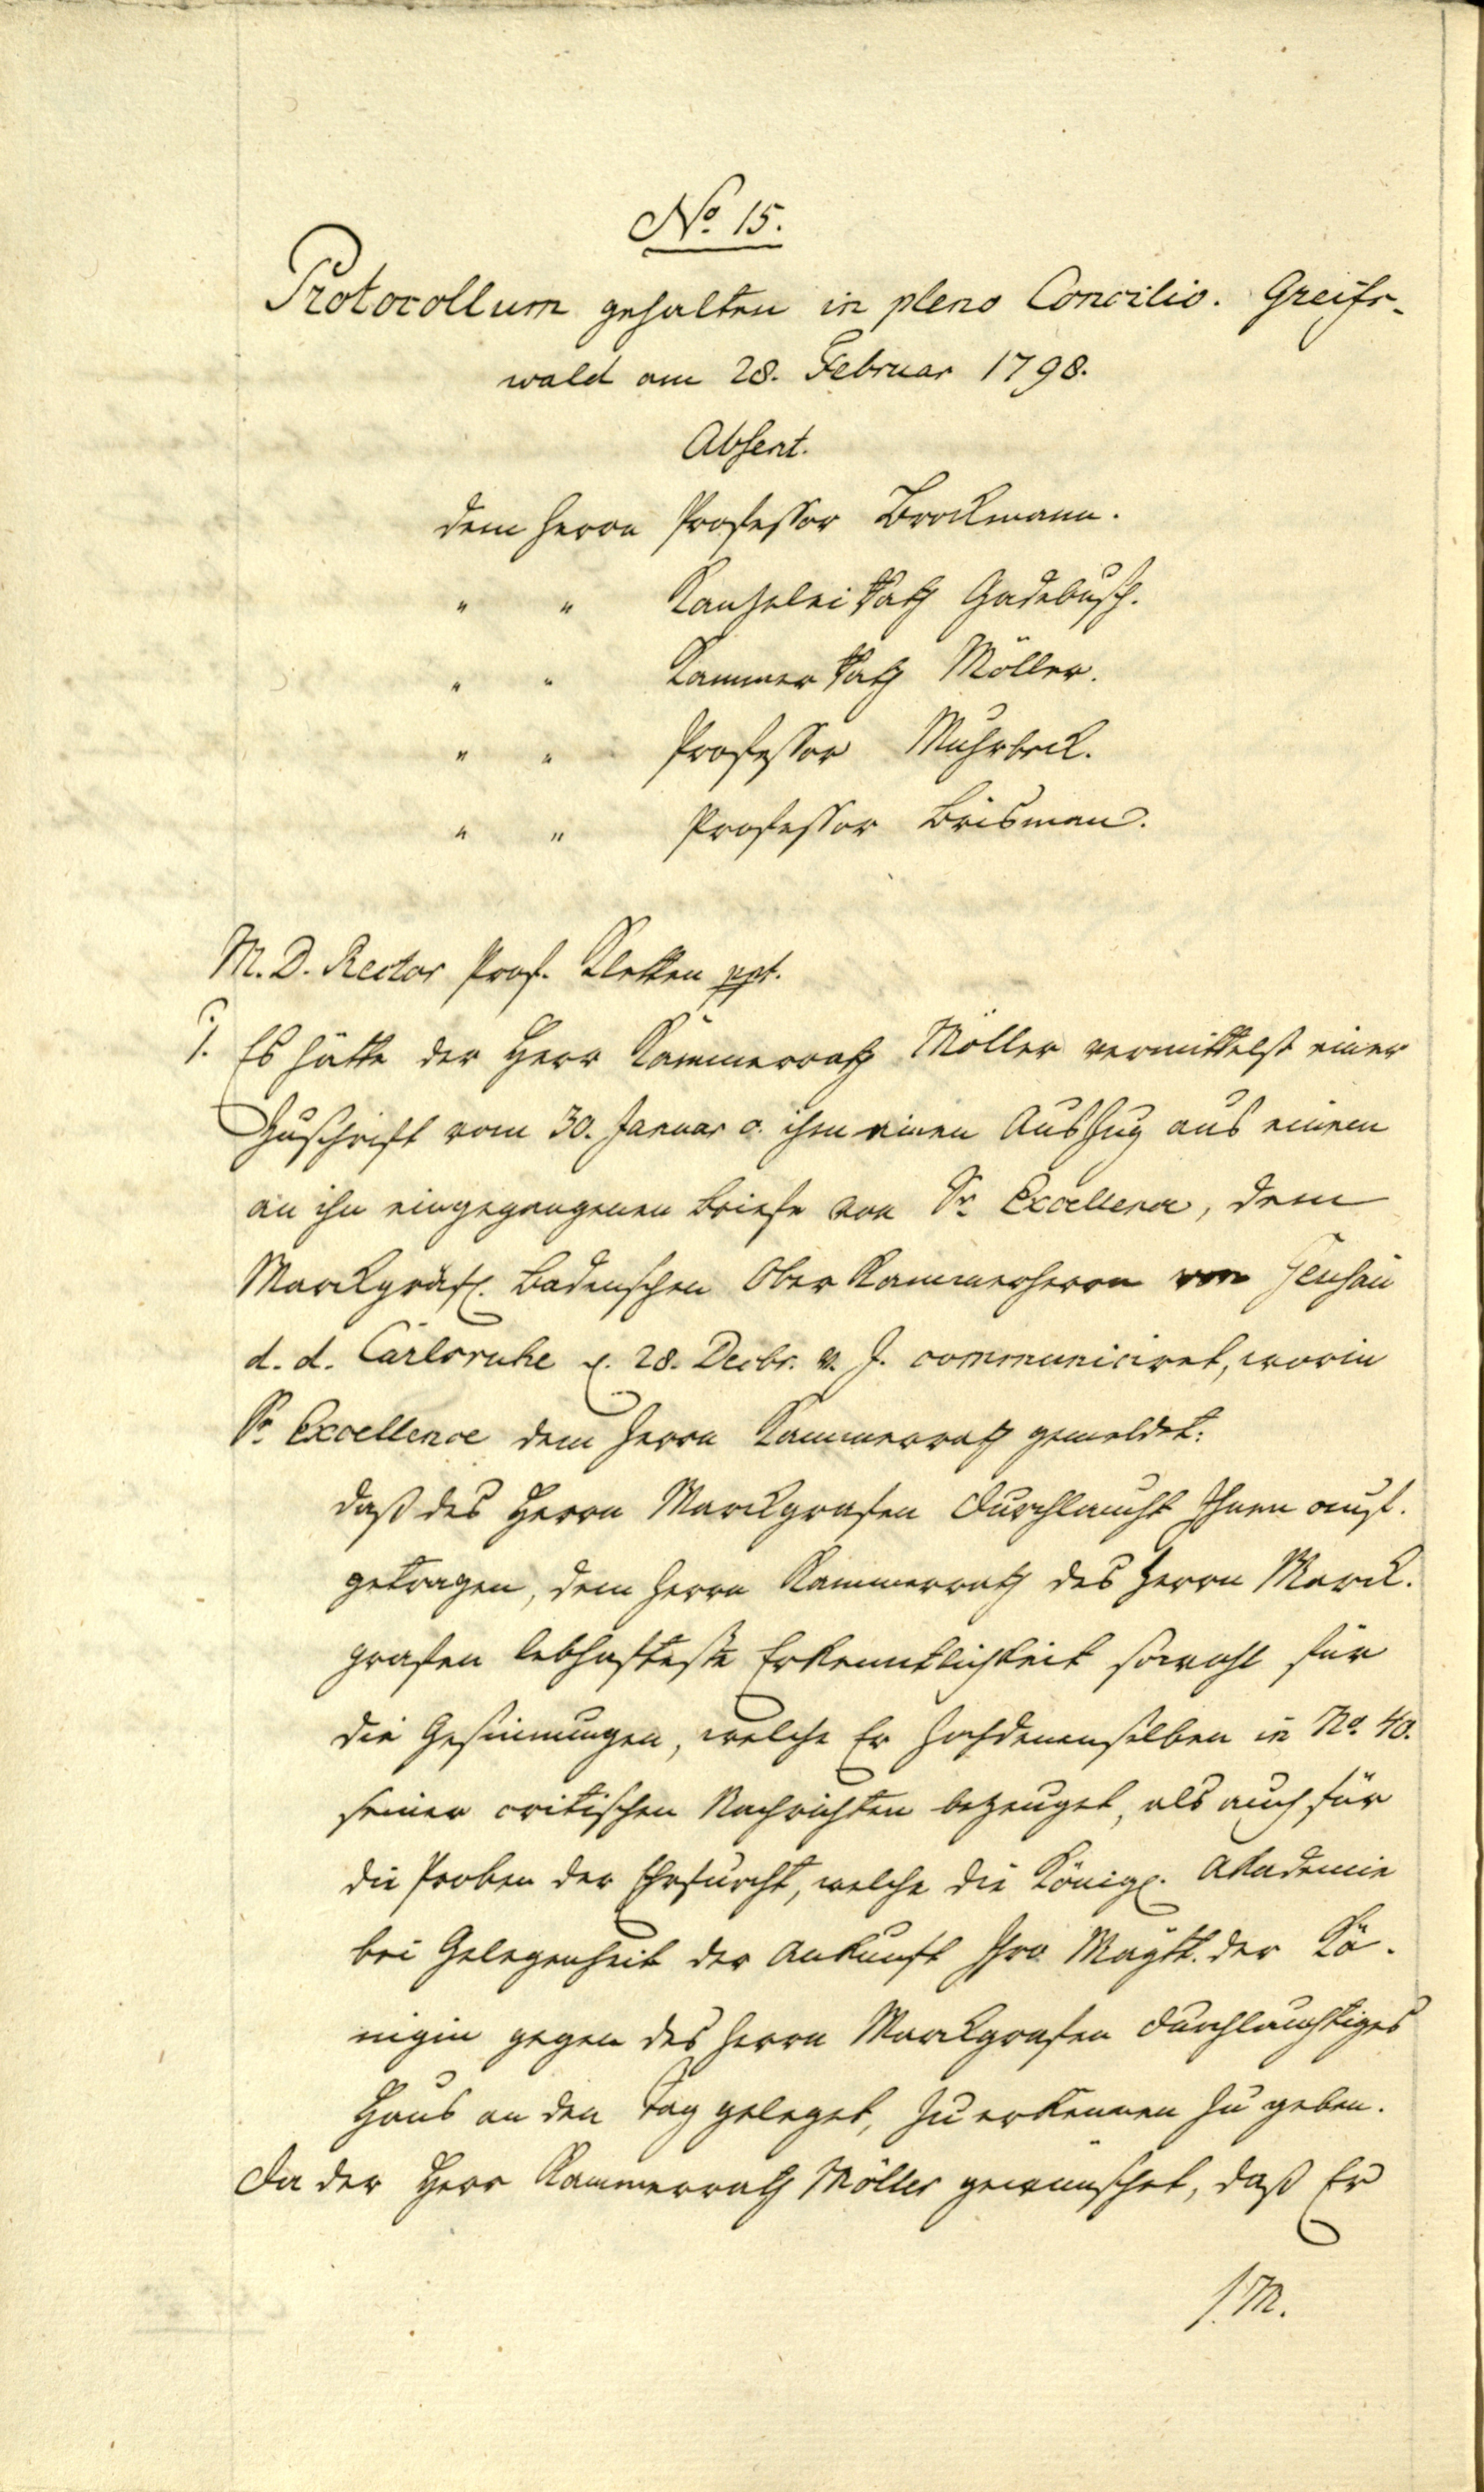No 15.
Protocollum gehalten in pleno Concilio. Greifs¬
wald am 28. Februar 1798.
Absent.
dem Herrn Professor Brockmann.
Kanzelei Rath Gadebusch.
Kammer Rath Möller.
Professor Muhrbeck.
Professor Brisman.
M. D. Rector Prof. Kletten ppt.
1. Es hätte der Herr Kammerrath Möller vermittelst einer
Zuschrift vom 30. Januar o ihm einen Auszug aus einem
an ihn eingegangenen Briefe von Sr Excellence, dem
Marckgräfl. Badenschen Oberkammerherrn von Genhau
d. d. Carlsruhe d. 28. Decbr. v. J. communiciret, worin
Sr Excellence dem Herrn Kammerrath gemeldet:
daß des Herrn Marckgrafen Durchlaucht Ihnen auf¬
getragen, dem Herrn Kammerrath des Herrn Marck¬
grafen lebhafteste Erkenntlichkeit sowohl für
die Gesinnungen, welche Er Hochdenenselben in No 40.
seiner critischen Nachrichten bezeuget, als auch für
die Proben der Ehrfurcht, welche die Königl. Akademie
bei Gelegenheit der Ankunft Ihro Maÿtt der Kö¬
nigin gegen des Herrn Marckgrafen Durchlauchtiges
Haus an den Tag geleget, zu erkennen zu geben.
Da der Herr Kammerrath Möller gewünschet, daß Er
sm.